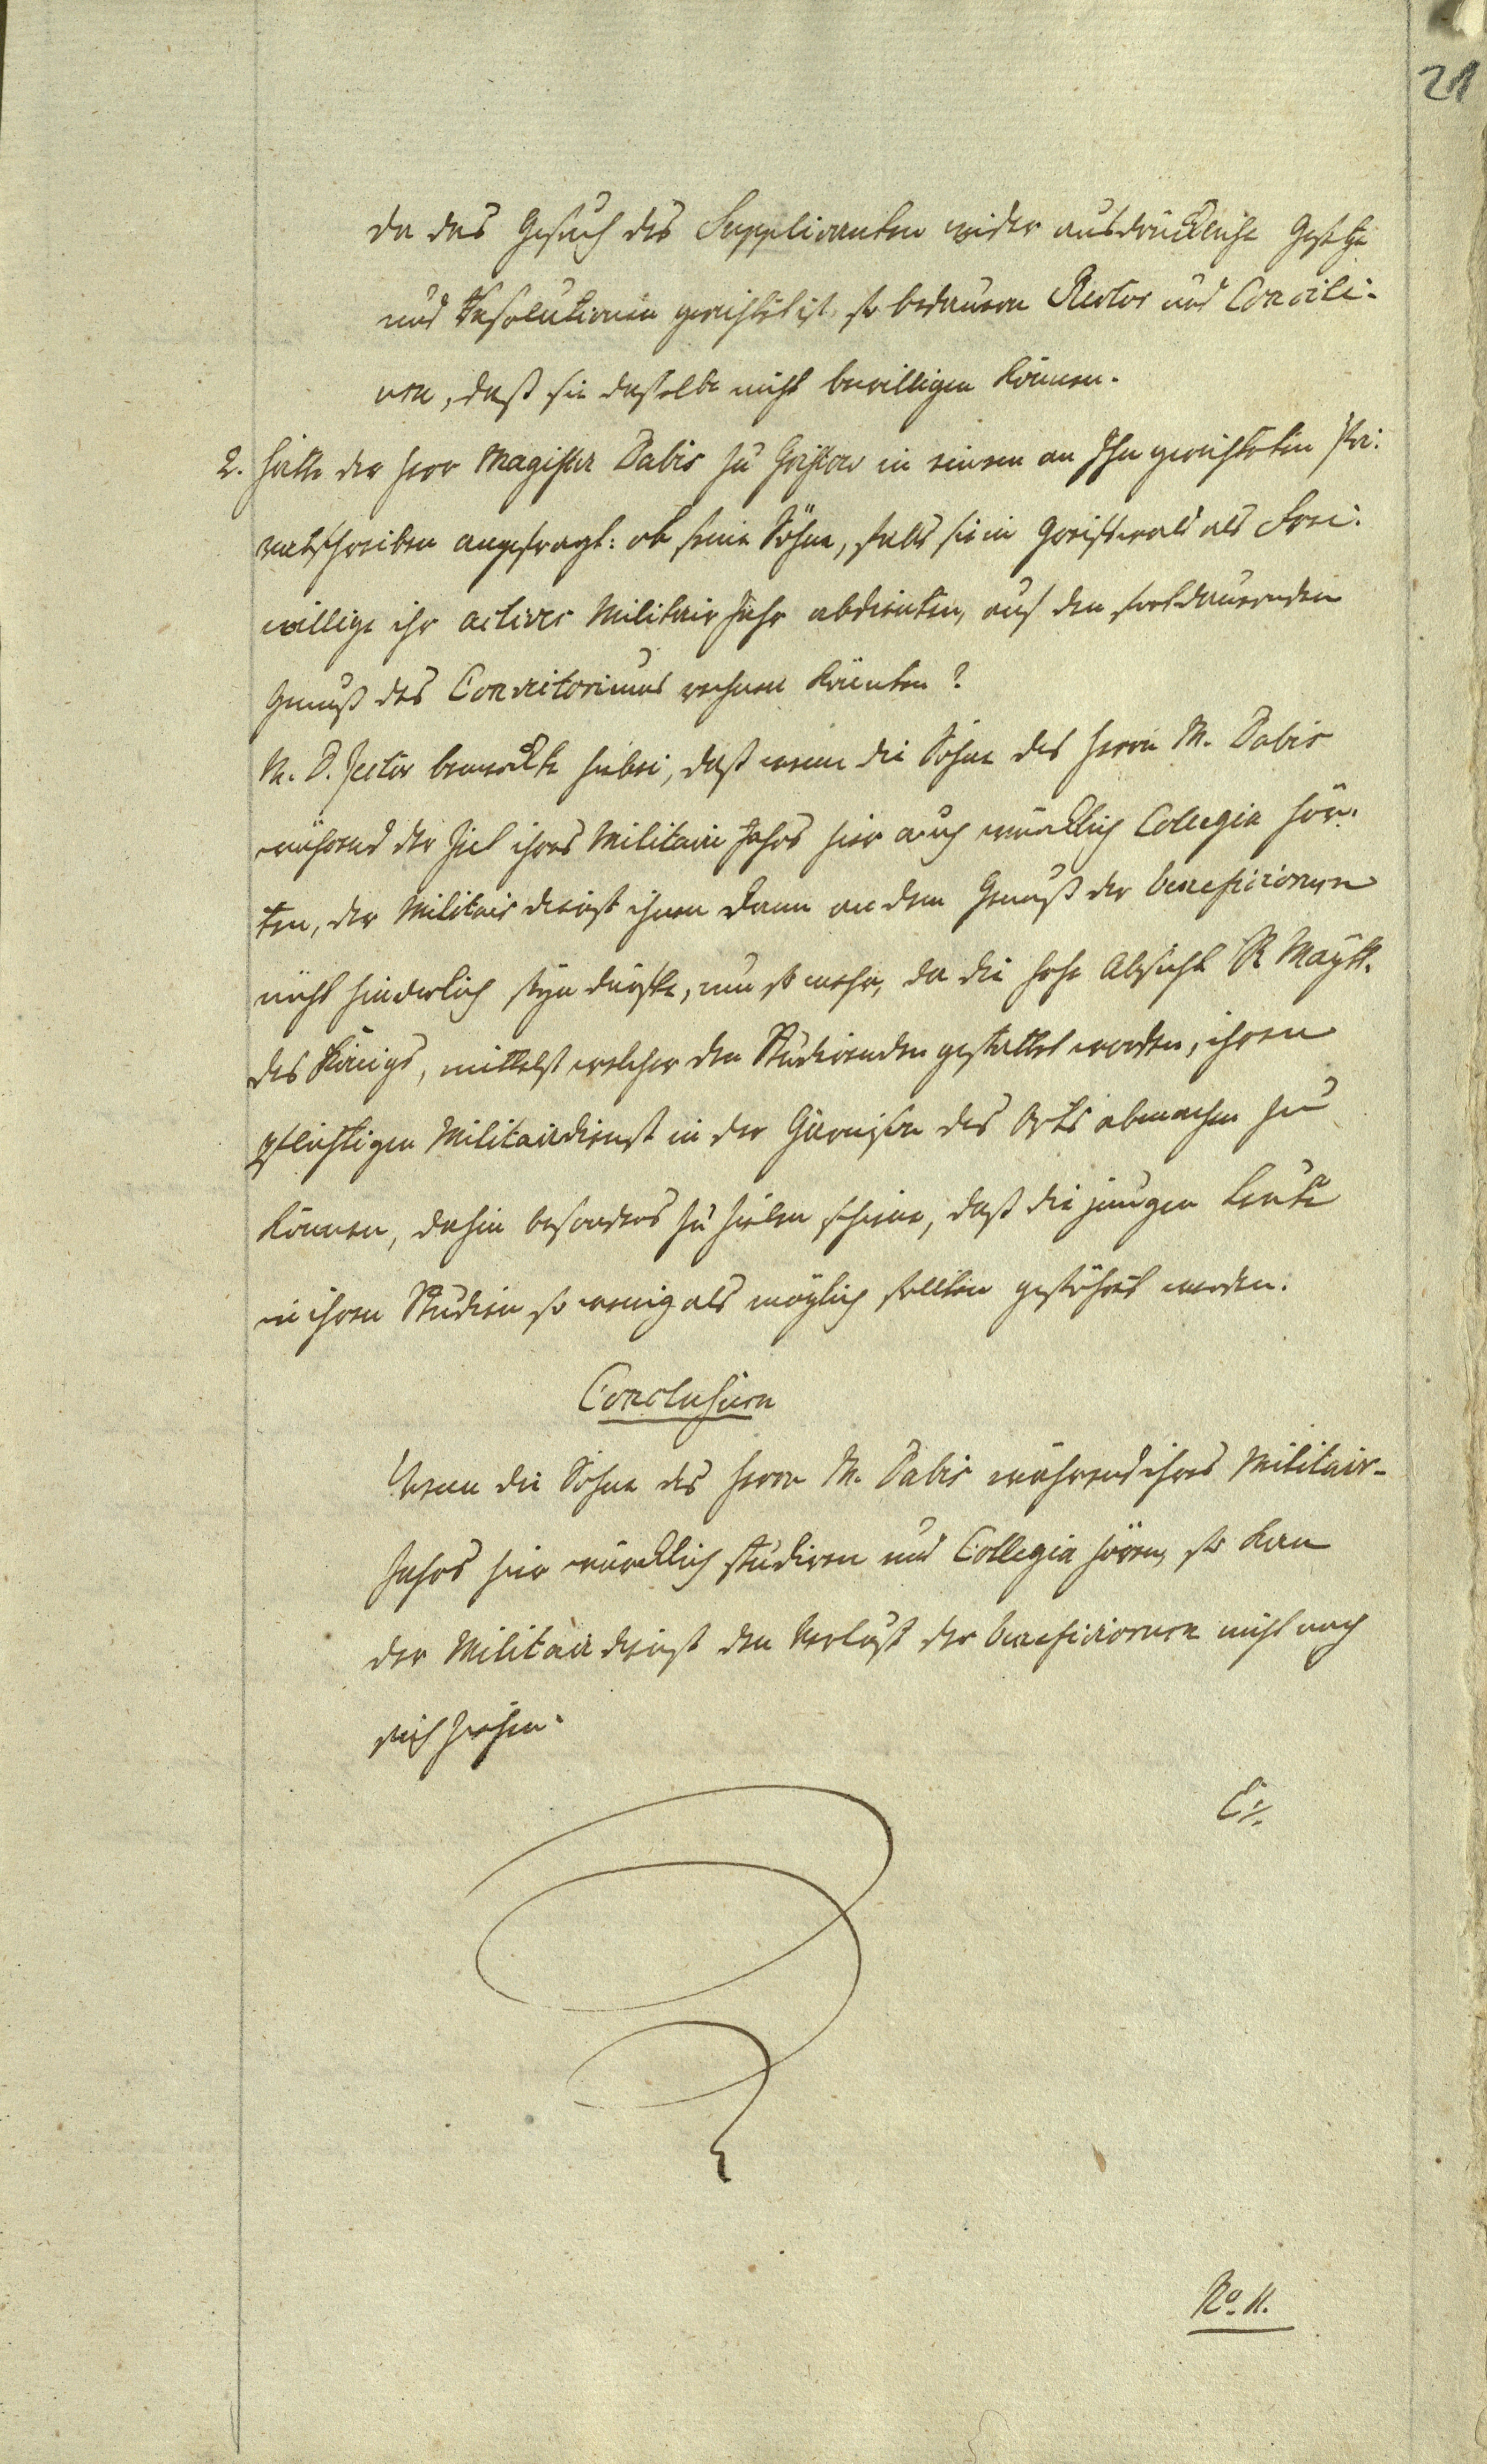da des Gesuch des Supplicanten wider ausdrückliche Gesetze
und Resolutionen gerichtet ist so bedauern Rector und Concili¬
um, daß sie dasselbe nicht bewilligen können.
2. Hätte der Herr Magister Dabis zu Gristow in einem an Ihn gerichteten Pri¬
vatschreiben angefragt: ob seine Söhne, falls sie in Greifswald als Frei¬
willige ihr actives MilitairJahr abdienten, auf den fortdauernden
Genuß des Convictoriums rechnen könnten?
M. D. Rector bemerkte haben, daß wenn die Söhne des Herrn M. Dabis
während der Zeit ihres MilitaireJahrs hier auch würcklich Collegia hör¬
ten, der Militair dienst ihnen dann an dem Genuß der beneficiorum
nicht hinderlich seÿn dürfte, um so mehr, da die hohe Absicht Sr Maÿtt.
des Königs, mittelst welcher den Studirenden gestattet worden, ihren
pflichtigen Militairdienst in der Garnison des Orts abmachen zu
können, dahin besonders zu zielen scheine, daß die jungen Leute
in ihren Studien sowenig als möglich sollten gestöhret werden.
Conclusum
Wenn die Söhne des Herrn M. Dabis während ihres Militair¬
Jahrs hier würcklich studiren und Collegia hören, so kan
der Militairdienst den Verlust der beneficiorum nicht nach
sich ziehen.
E
Nº 11.